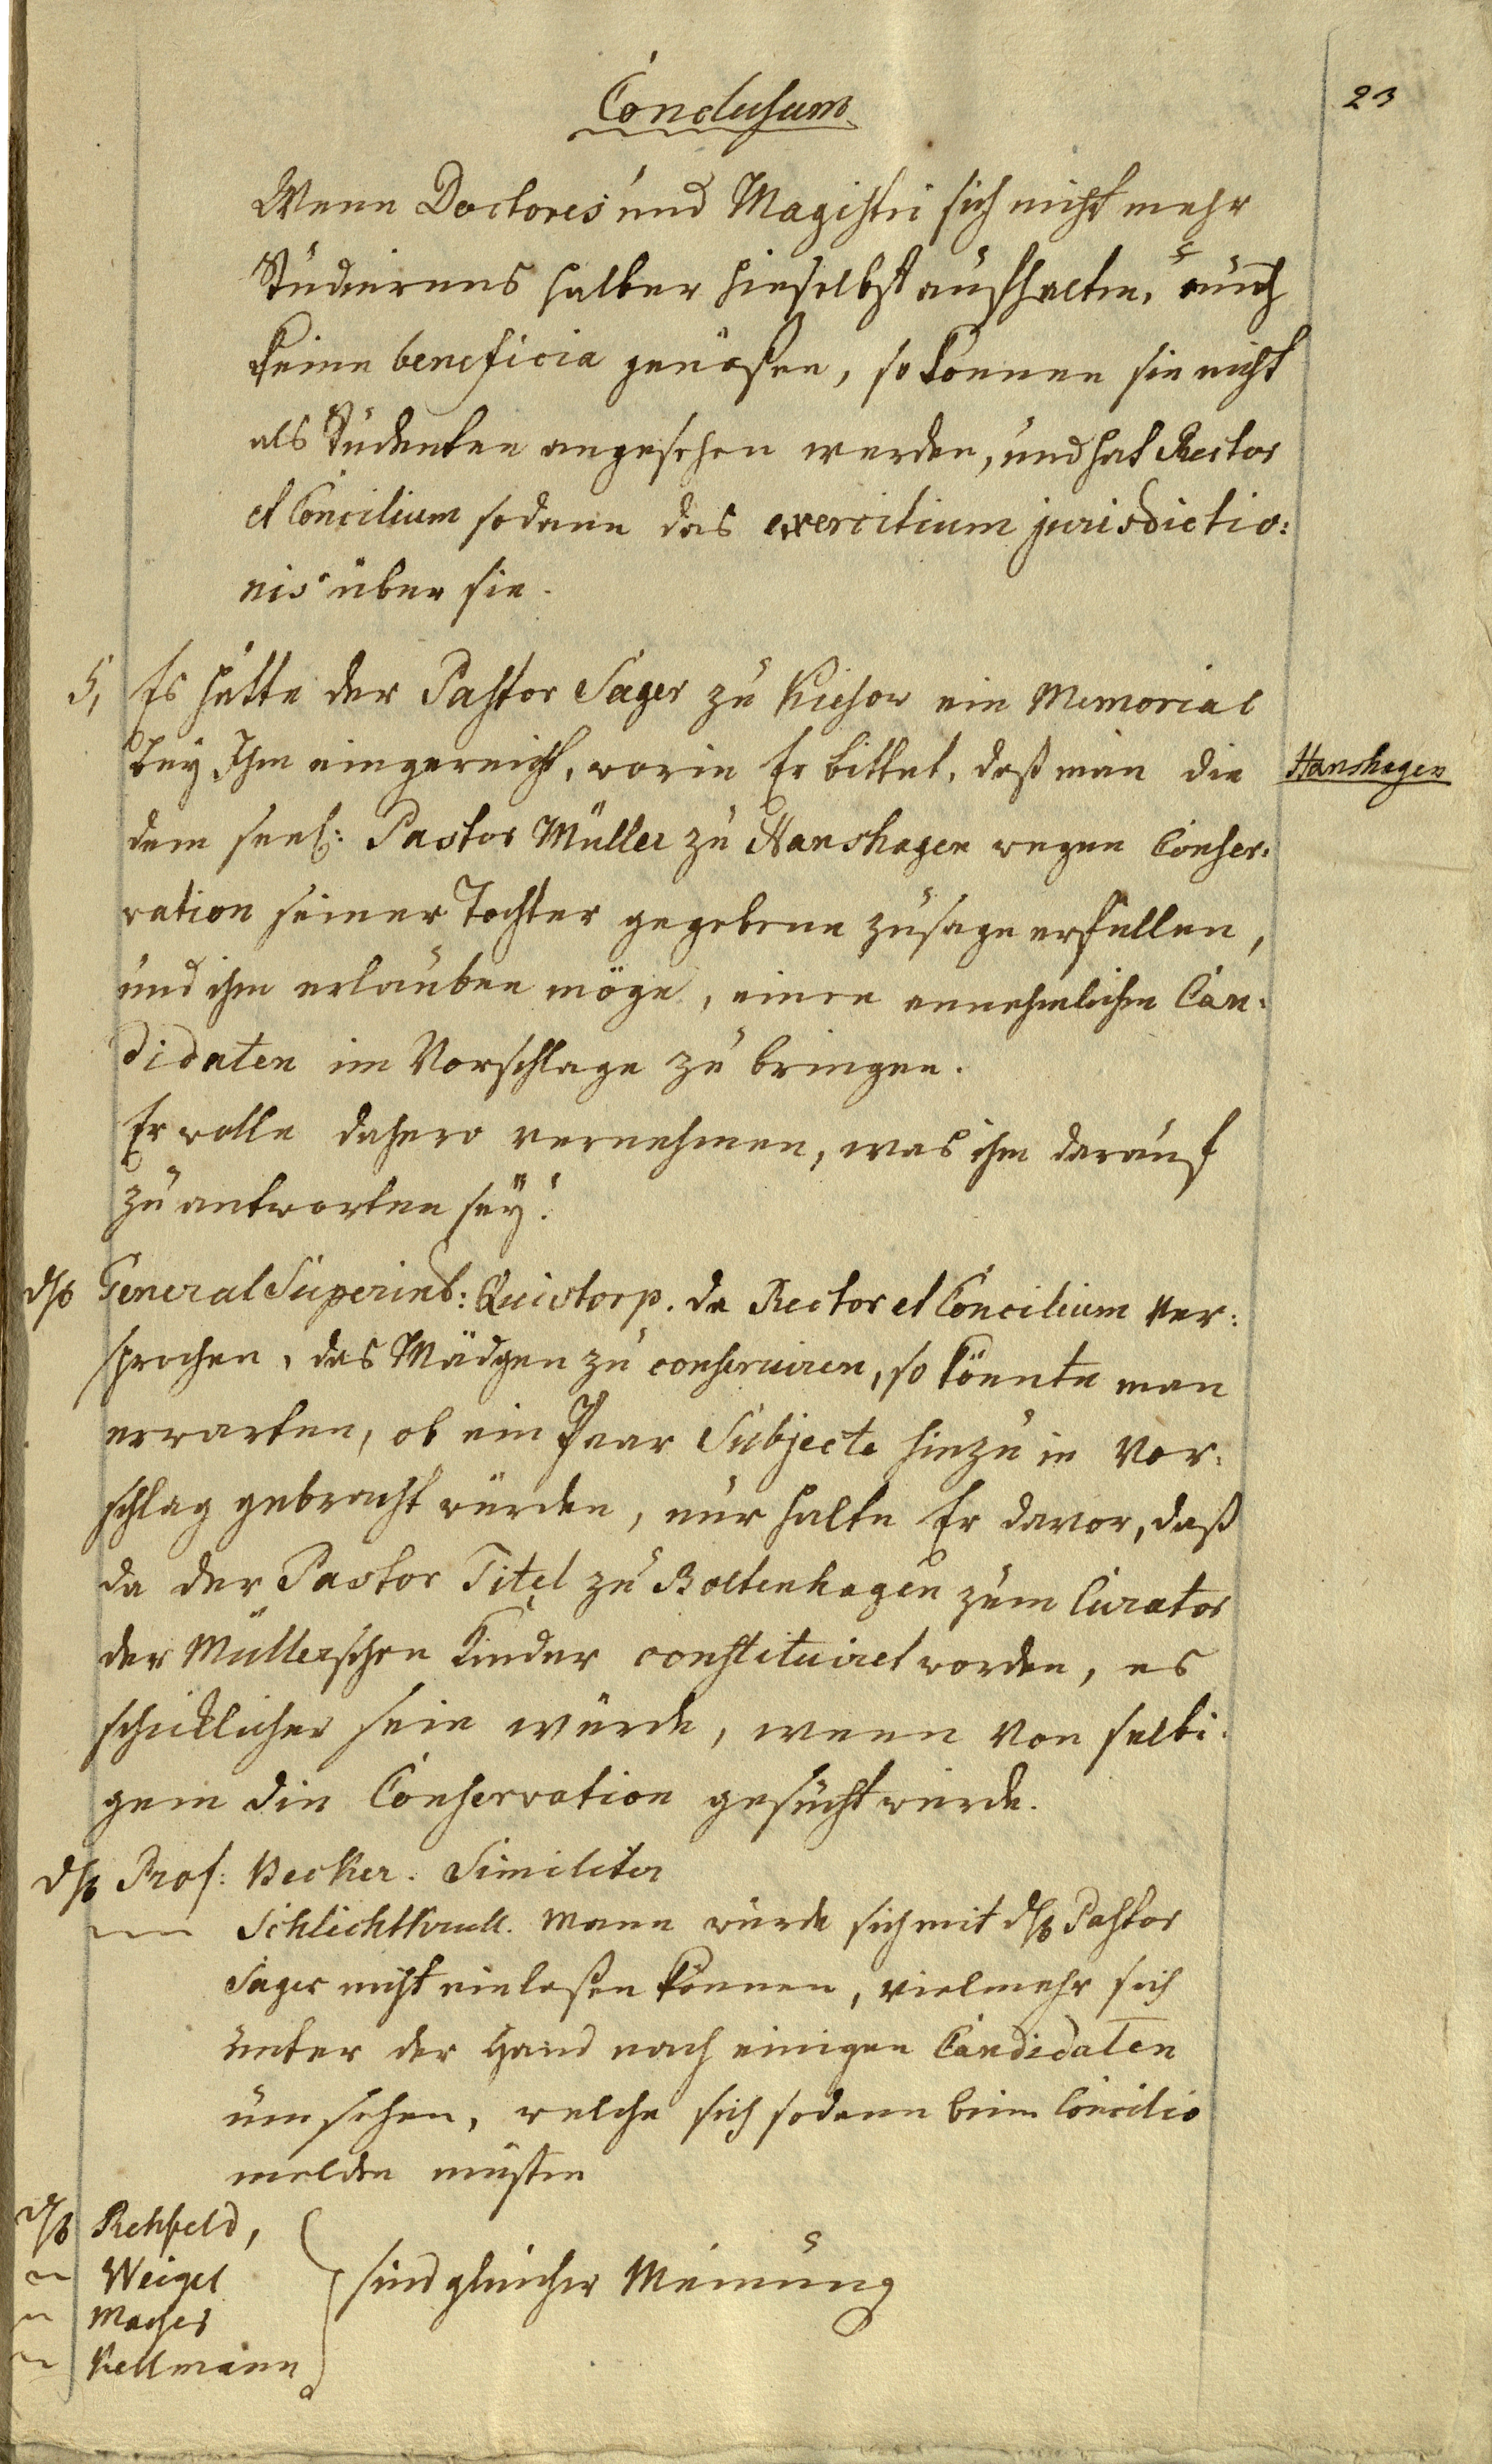Conclusum
Wenn Doctores und Magistri sich nicht mehr
Studierens halber hieselbst aufhalten, auch
keine beneficia genößen, so konnen sie nicht
als Studenten angesehen werden, und hat Rector
et Concilium sodann das exercitium jurisdictio¬
nis über sie.
5. Es hätte der Pastor Sager zu Kiesow ein Memorial
beÿ Ihm eingereicht, worin Er bittet, daß man die Hanshagen
dem seel: Pastor Müller zu Hanshagen wegen Conser¬
vation seiner Tochter gegebene zusage erfüllen,
und ihm erlauben möge, einen annnehmlichen Can¬
didaten im Vorschlage zu bringen.
Er wolle dahero vernehmen, was ihm darauf
zu antworten seÿ!
dh GeneralSuperint: Quistorp. da Rector et Concilium ver¬
sprochen, das Mädgen zu conserviren, so könnte man
erwarten, ob ein Paar Subjecte hiezu in vor¬
schlag gebracht würden, nur halte Er davor, daß
da der Pastor Titel zu Boltenhagen zum Curator
der Müllerschen Kinder constituiret worden, es
schicklicher sein würde, wenn von selbi¬
gem die Conservation gesucht würde.
dh Prof: Becker . Similiter
Schlichtkrull. Mann würde sich mit dh Pastor
Sager nicht einlaßen können, vielmehr sich
unter der Hand nach einigen Candidaten
umsehen, welche sich sodann beim Concilio
melden müsten.
dh Rehfeld,
Weigel sind gleicher Meinung
Mayer
Kellmann